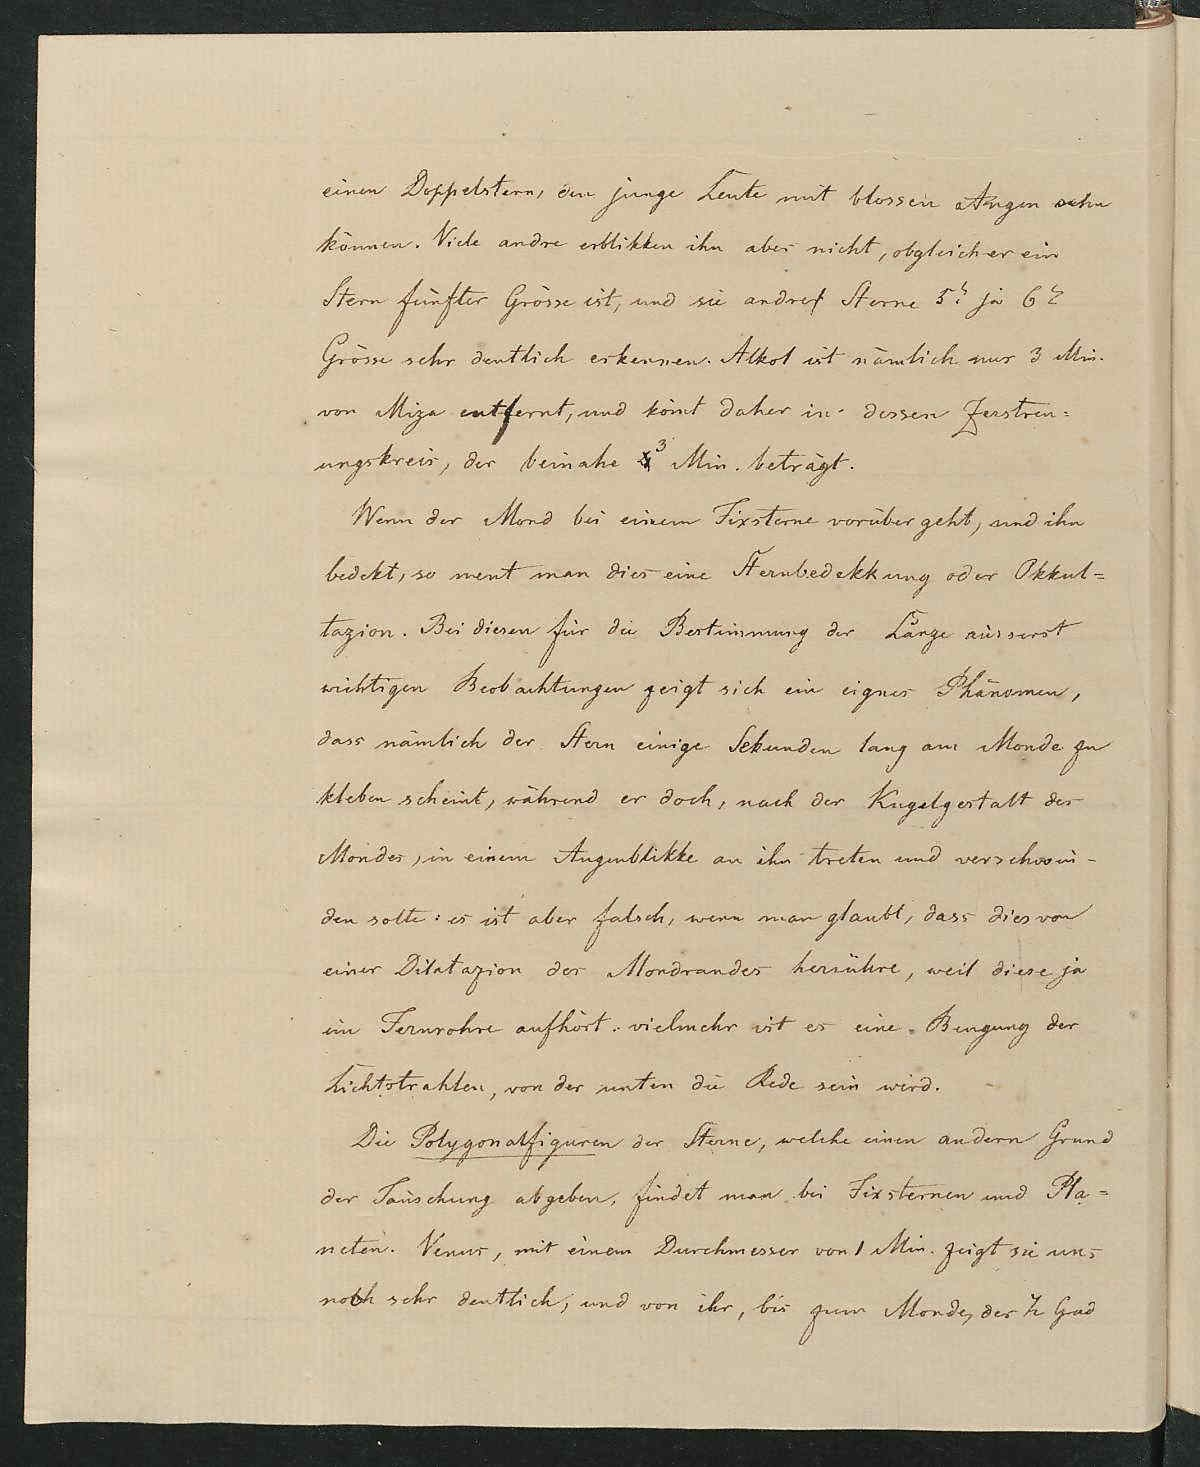einen Doppelstern, den junge Leute mit blossen Augen sehn
können. Viele andre erblikken ihn aber nicht, obgleich er ein
Stern fünfter Grösse ist, und sie andrer Sterne 5￼ ja 6￼
Grösse sehr deutlich erkennen. Alkol ist nämlich nur 3 Min.
von Miza entfernt, und kömt daher in dessen Zerstreu-
ungskreis, der beinahe 43 Min. beträgt.
Wenn der Mond bei einem Fixsterne vorüber geht, und ihn
bedekt, so nent man dies eine Sternbedekkung oder Okkul-
tazion. Bei diesen für die Bestimmung der Länge äusserst
wichtigen Beobachtungen zeigt sich ein eignes Phänomen,
dass nämlich der Stern einige Sekunden lang am Monde zu
kleben scheint, während er doch, nach der Kugelgestalt des
Mondes, in einem Augenblikke an ihn treten und verschwin-
den solte: es ist aber falsch, wenn man glaubt, dass dies von
einer Dilatazion des Mondrandes herrühre, weil diese ja
im Fernrohre aufhört: vielmehr ist es eine Beugung der
Lichtstrahlen, von der unten die Rede sein wird.
Die Polygonalfiguren der Sterne, welche einen andern Grund
der Täuschung abgeben, findet man bei Fixsternen und Pla-
neten. Venus, mit einem Durchmesser von 1 Min. zeigt sie uns
noch sehr deutlich, und von ihr, bis zum Monde, der ½ Grad